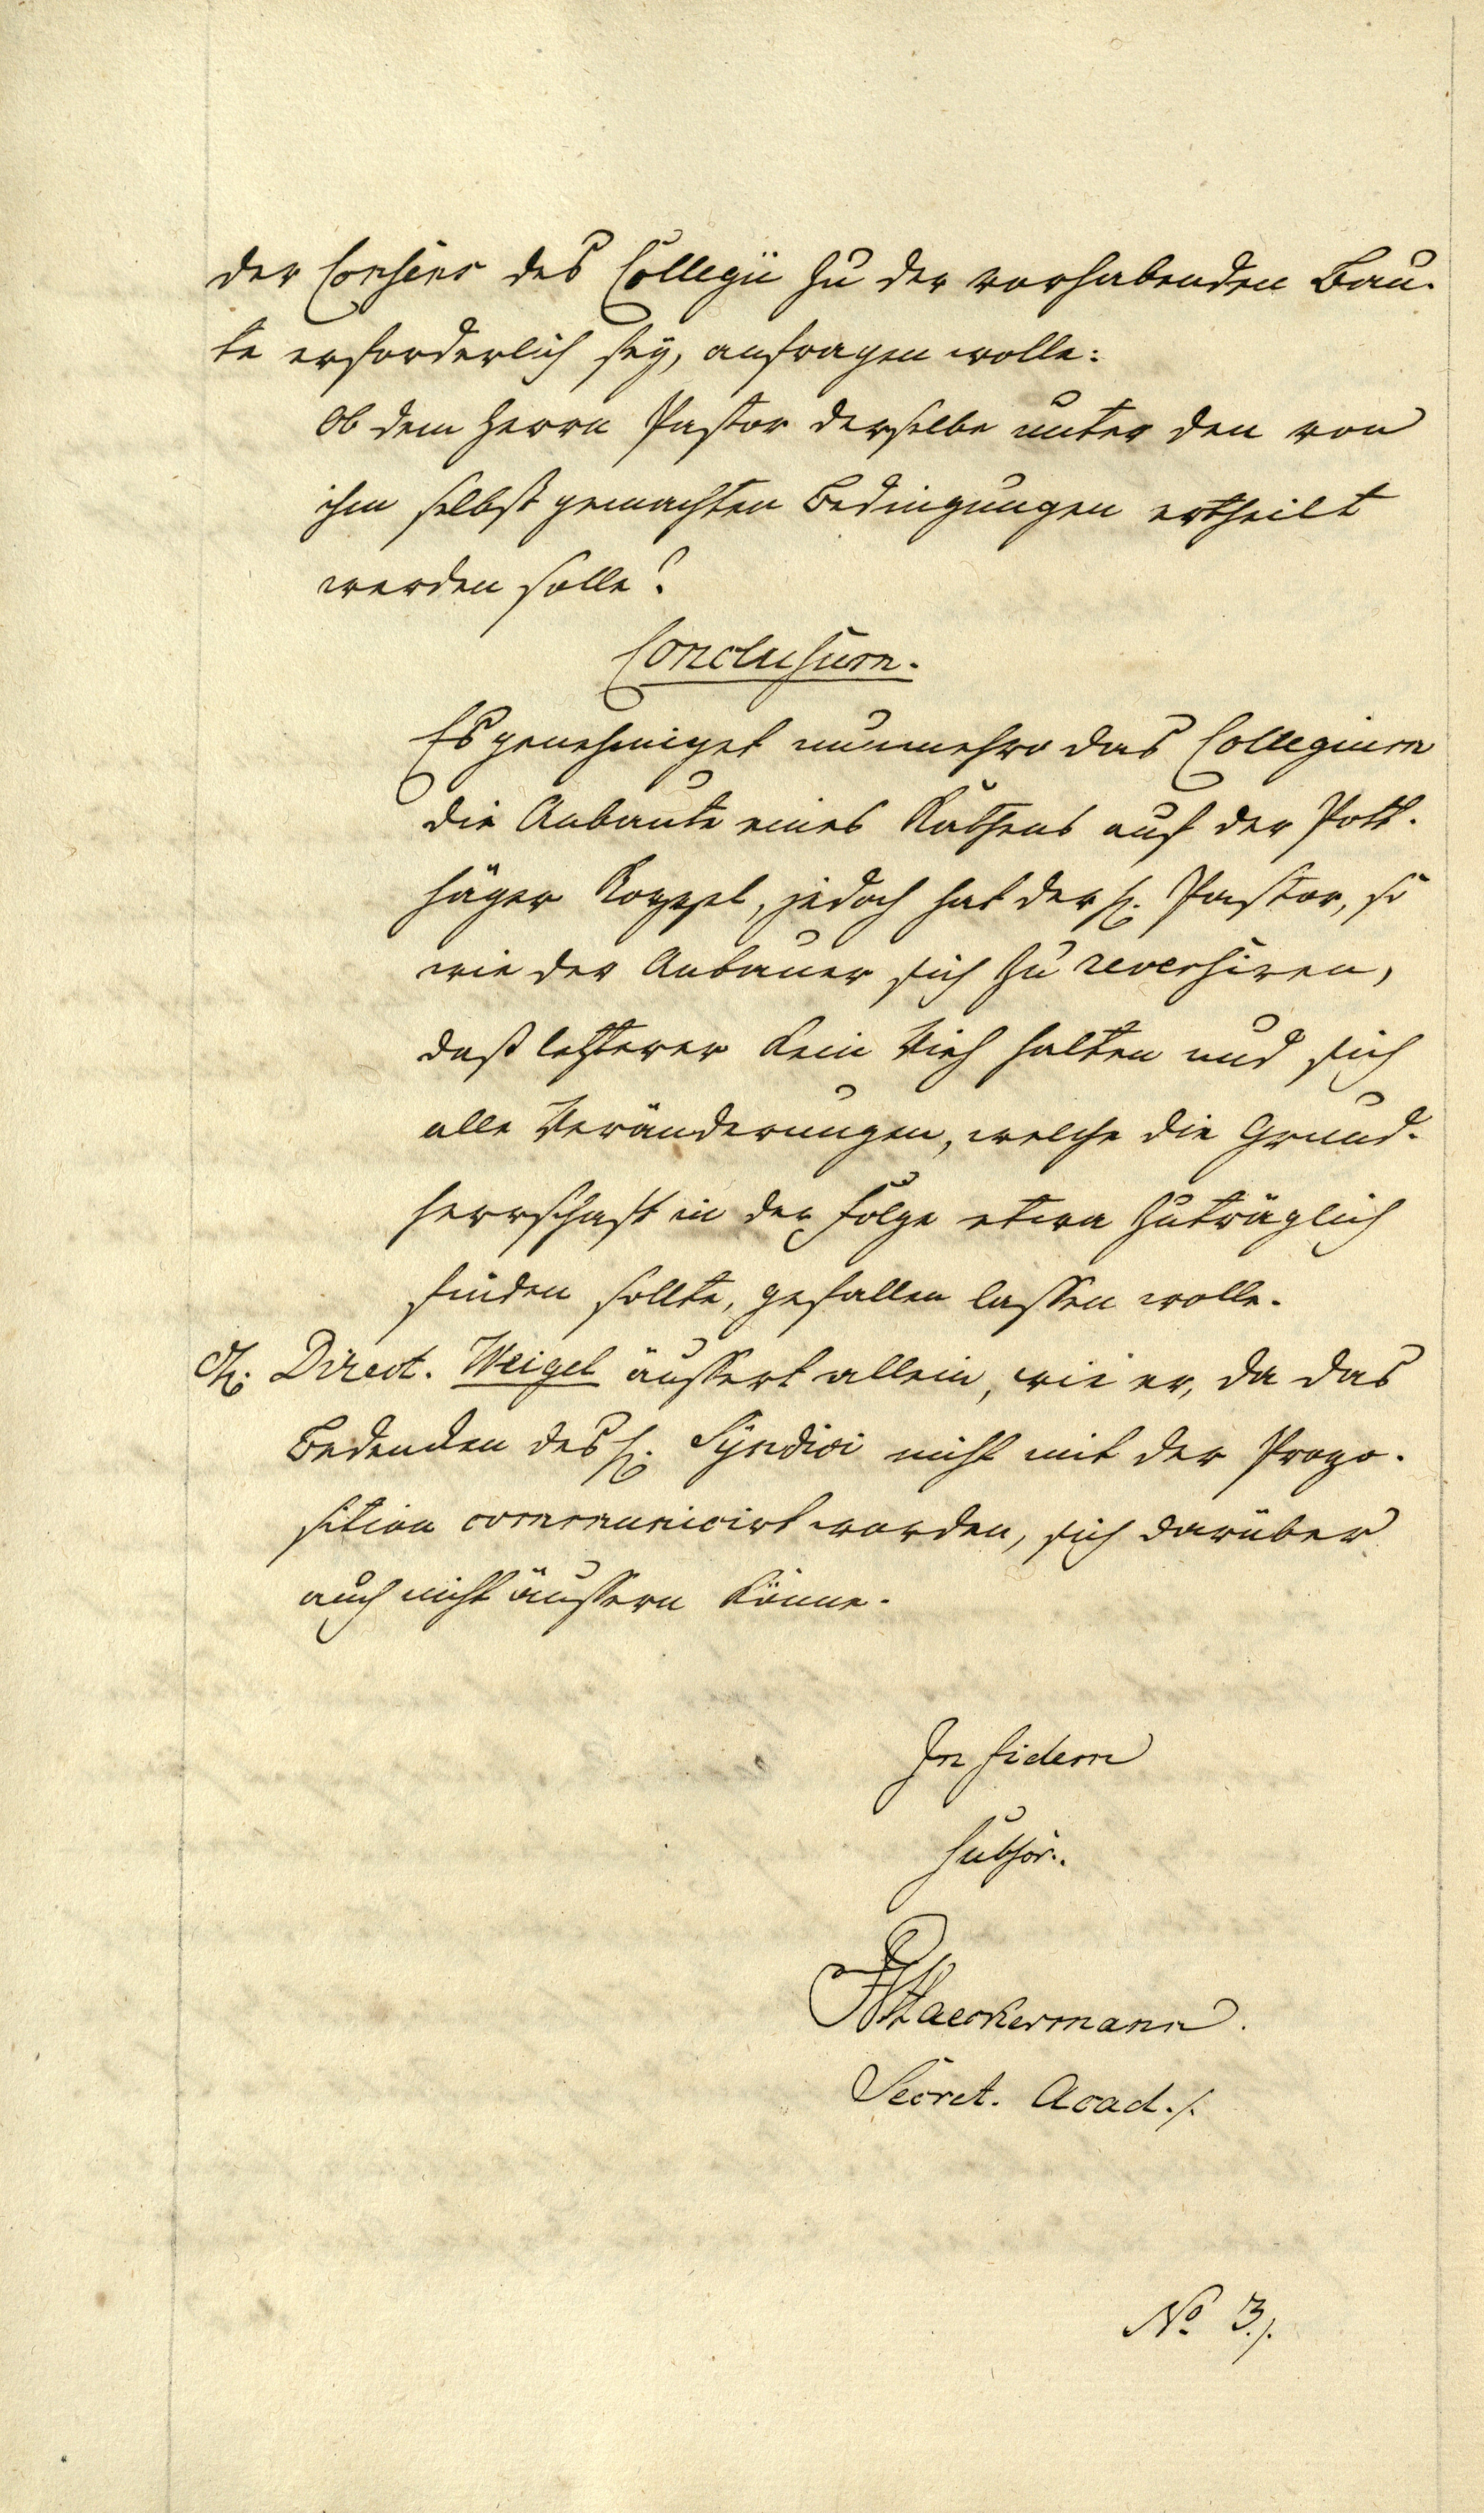der Consens des Collegii zu der vorhabenden Bau-
te erforderlich sey, anfragen wolle:
Ob dem Herrn Pastor derselbe unter den von
ihm selbst gemachten Bedingungen ertheilt
werden solle?
Conclusum.
Es genehmiget nunmehro das Collegium
die Anbaute eines Kathens auf der Pott-
häger Koppel, jedoch hat der h. Pastor, so
wie der Anbauer sich zu reversiren,
daß letzterer kein Vieh halten und sich
alle Veränderungen, welche die Grund-
herrschaft in der Folge etwa zuträglich
finden sollte, gefallen lassen wolle.
dh. Direct. Weigel äussert allein, wie er, da das
Bedenken des h. Syndici nicht mit der Propo-
sition communicirt worden, sich darüber
auch nciht äussern könne
In fidem
subscr.
Haeckermann
Secret. Acad.
No. 3./.